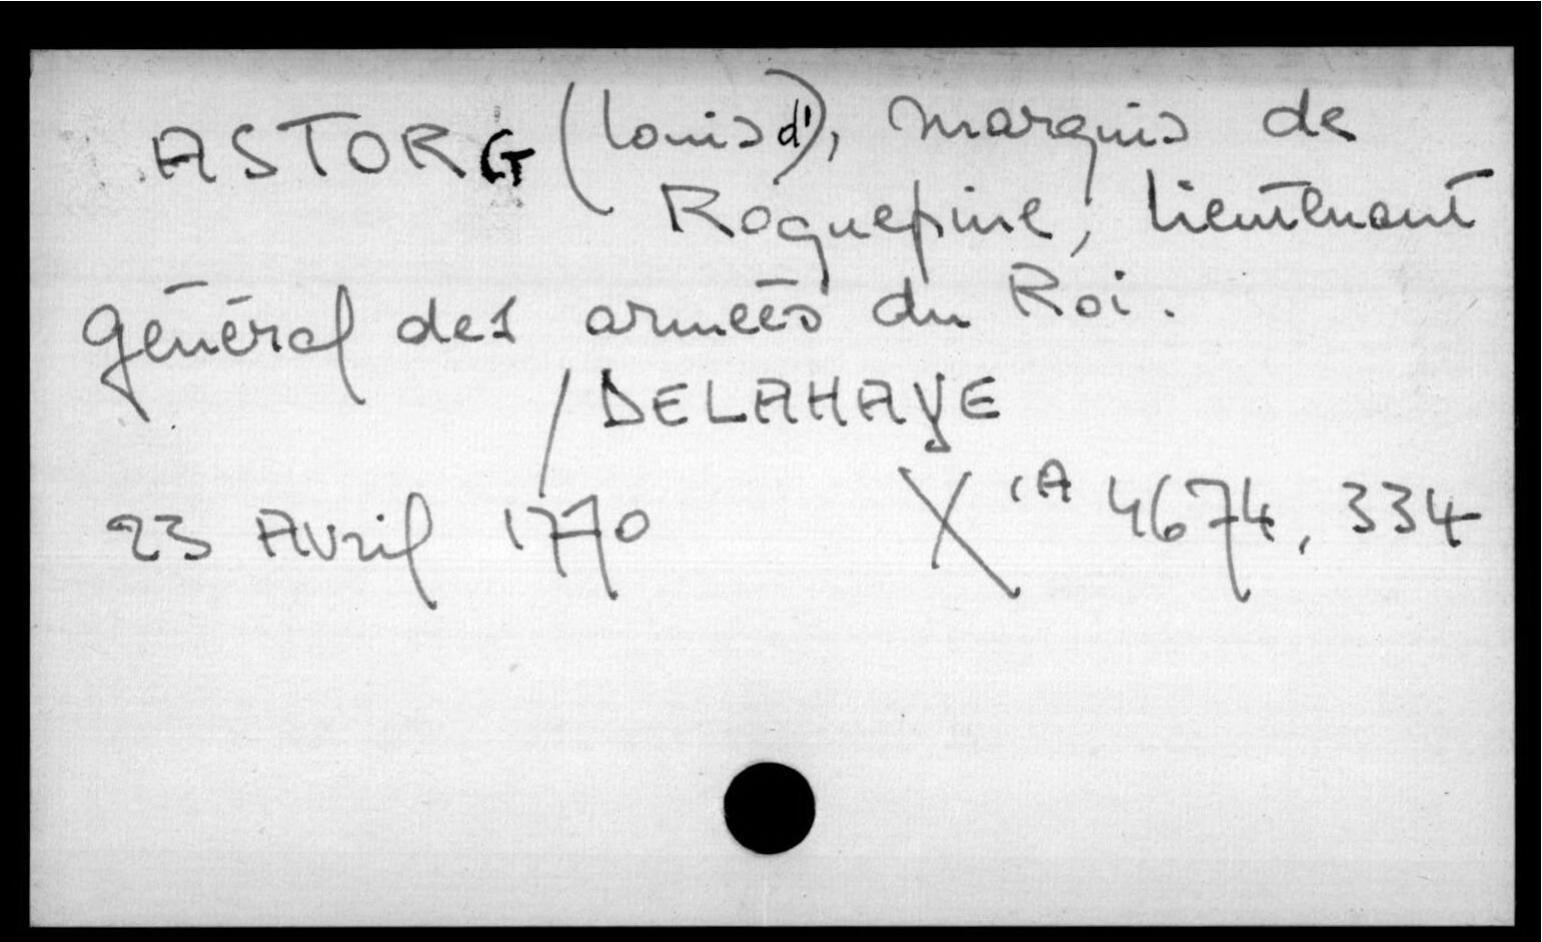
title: ASTORG (Louis d'), Marquis de Roquepine, Lieutenant général des armées du Roi.
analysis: Contre DELAHAYE
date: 23 avril 1770
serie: X1A
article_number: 4674
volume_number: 334
